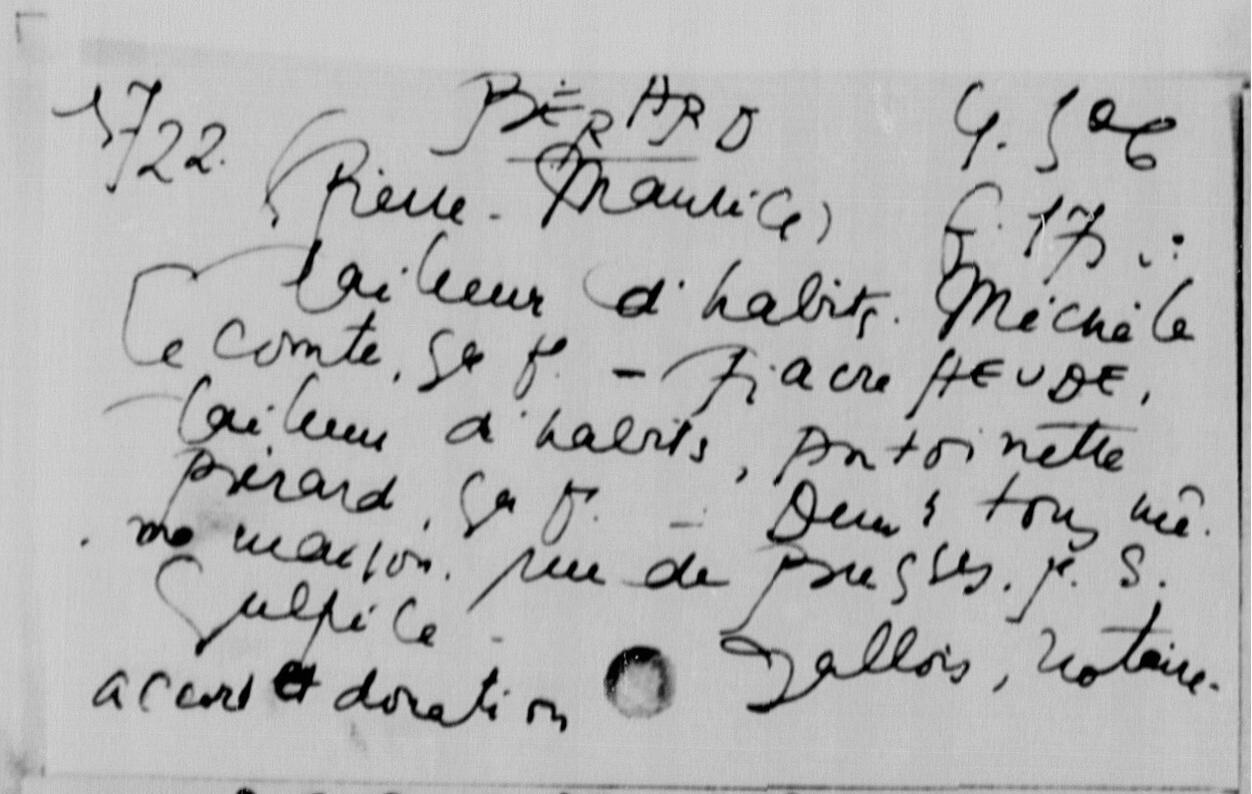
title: BÉRARD (Pierre-Maurice)
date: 1722
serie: Y
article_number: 506
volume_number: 171v
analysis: Tailleur d'habits. Michèle Lecomte, sa femme - Fiacre Heude, tailleur d'habits, Antoinette Bérard sa femme, demeurant tous même maison, rue de Busses, paroisse Saint-Sulpice. Accord de donation Gallois, notaire.
